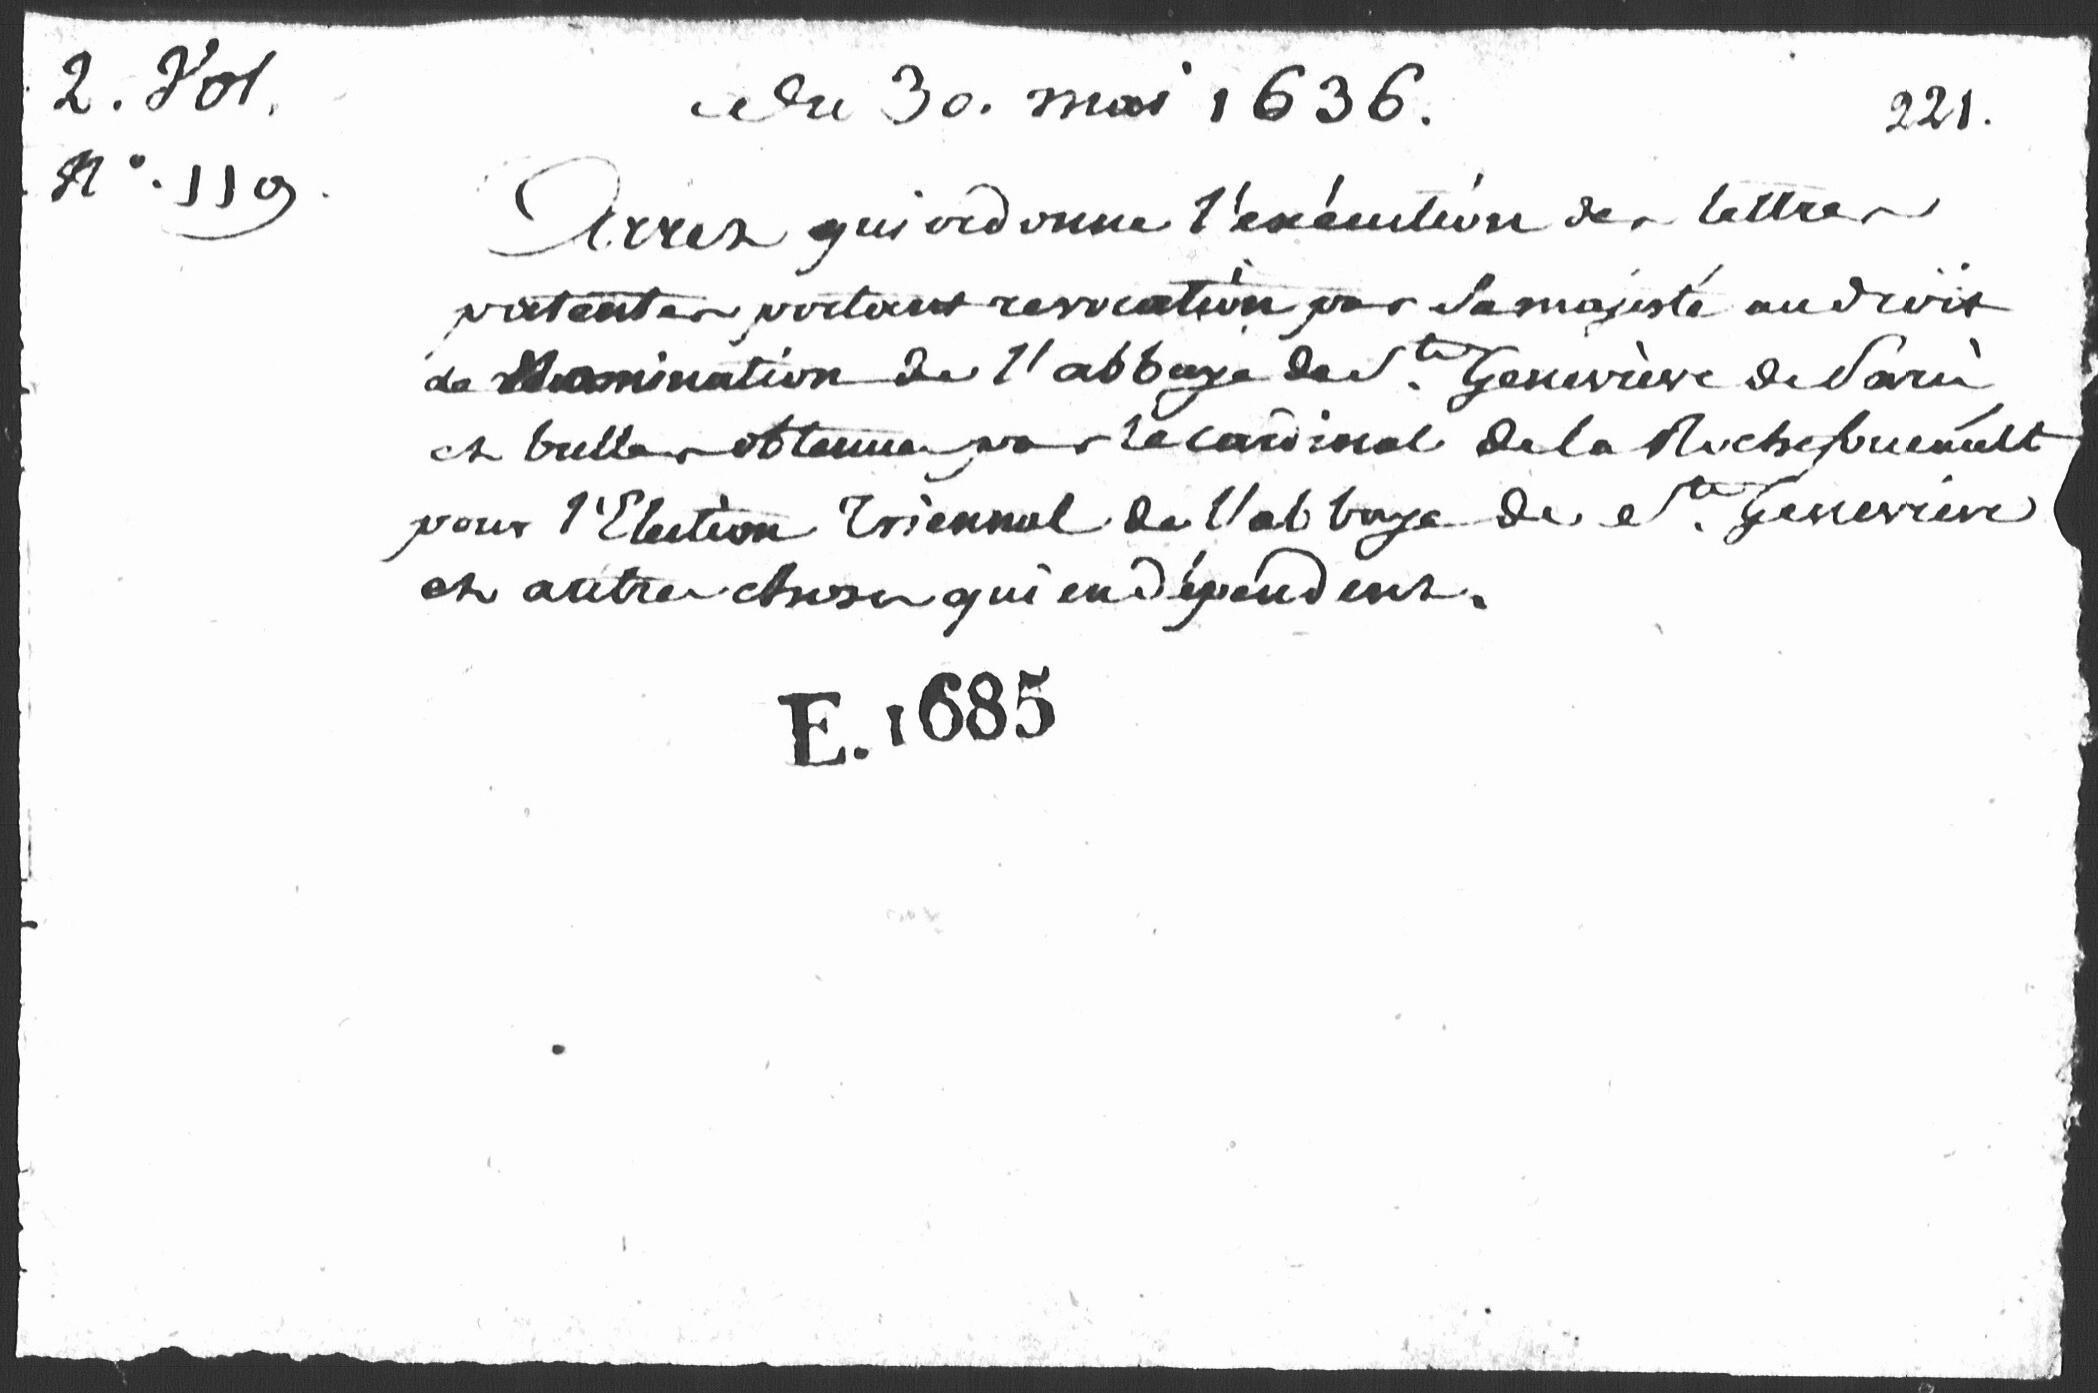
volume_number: n°119
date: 30 mai 1636
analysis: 221
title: Arret qui ordonne l'exécution des lettres patentes portant revocation par Sa majesté au droit de nomination de l'abbaye de S.te Geneviève de Paris et bulles obtenues par le cardinal de La Rochefoucault pour l'Election triennal de l'abbaye de S.te Genevieve et autres choses qui en dépendent.
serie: E
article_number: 1685
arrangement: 2. vol.
